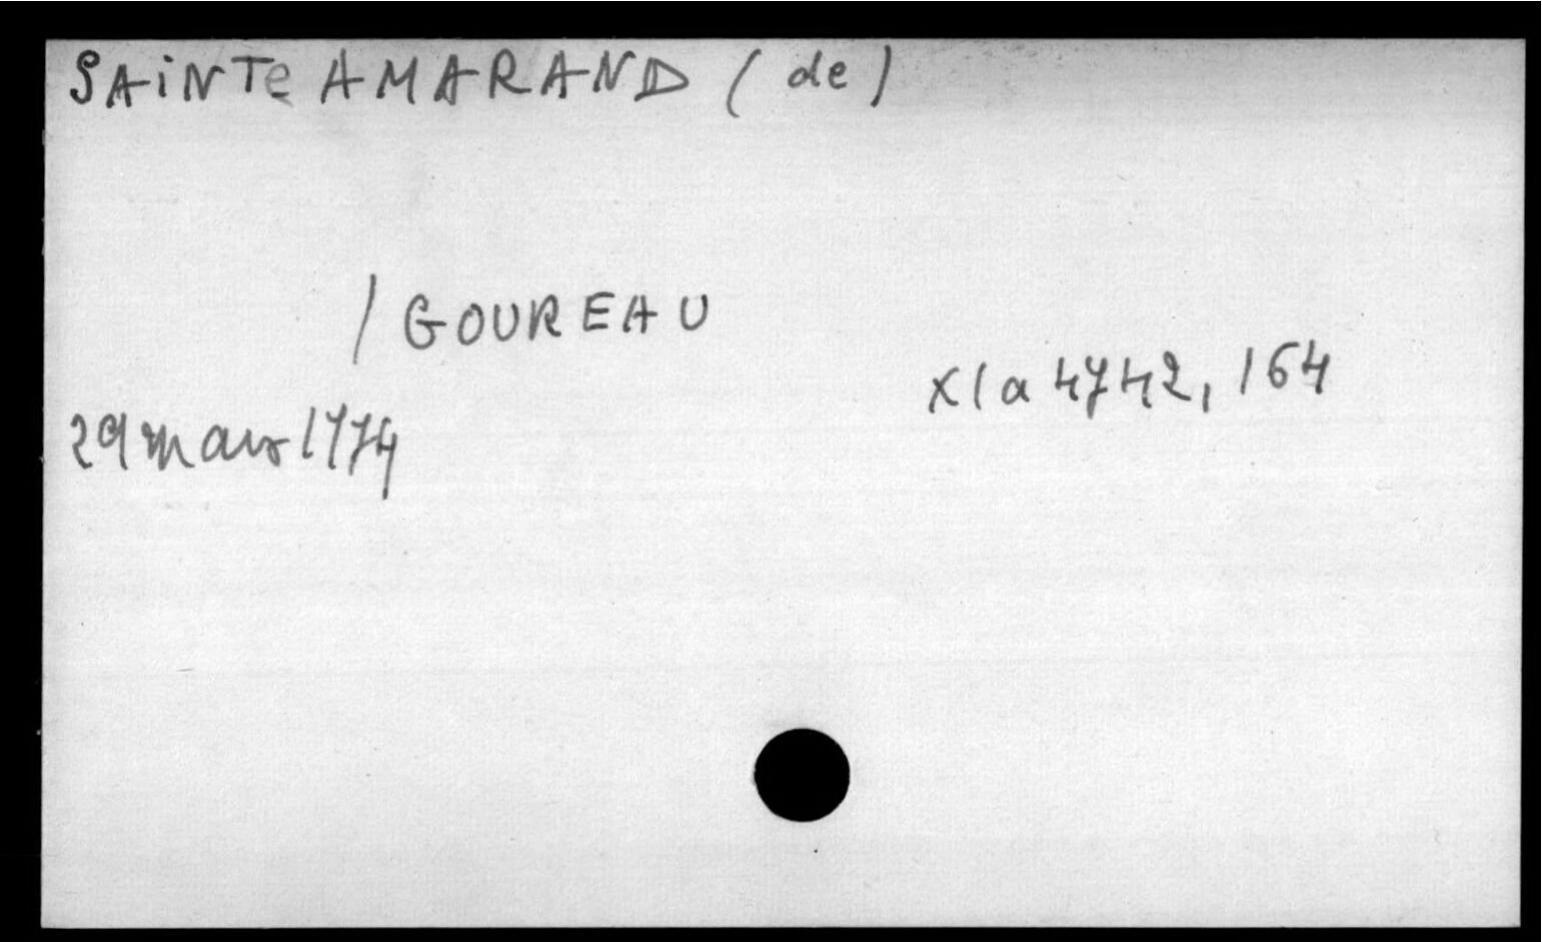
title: SAINTE AMARAND (de)
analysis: Contre GOUREAU
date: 29 mars 1774
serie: X1a
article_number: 4742
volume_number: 164
